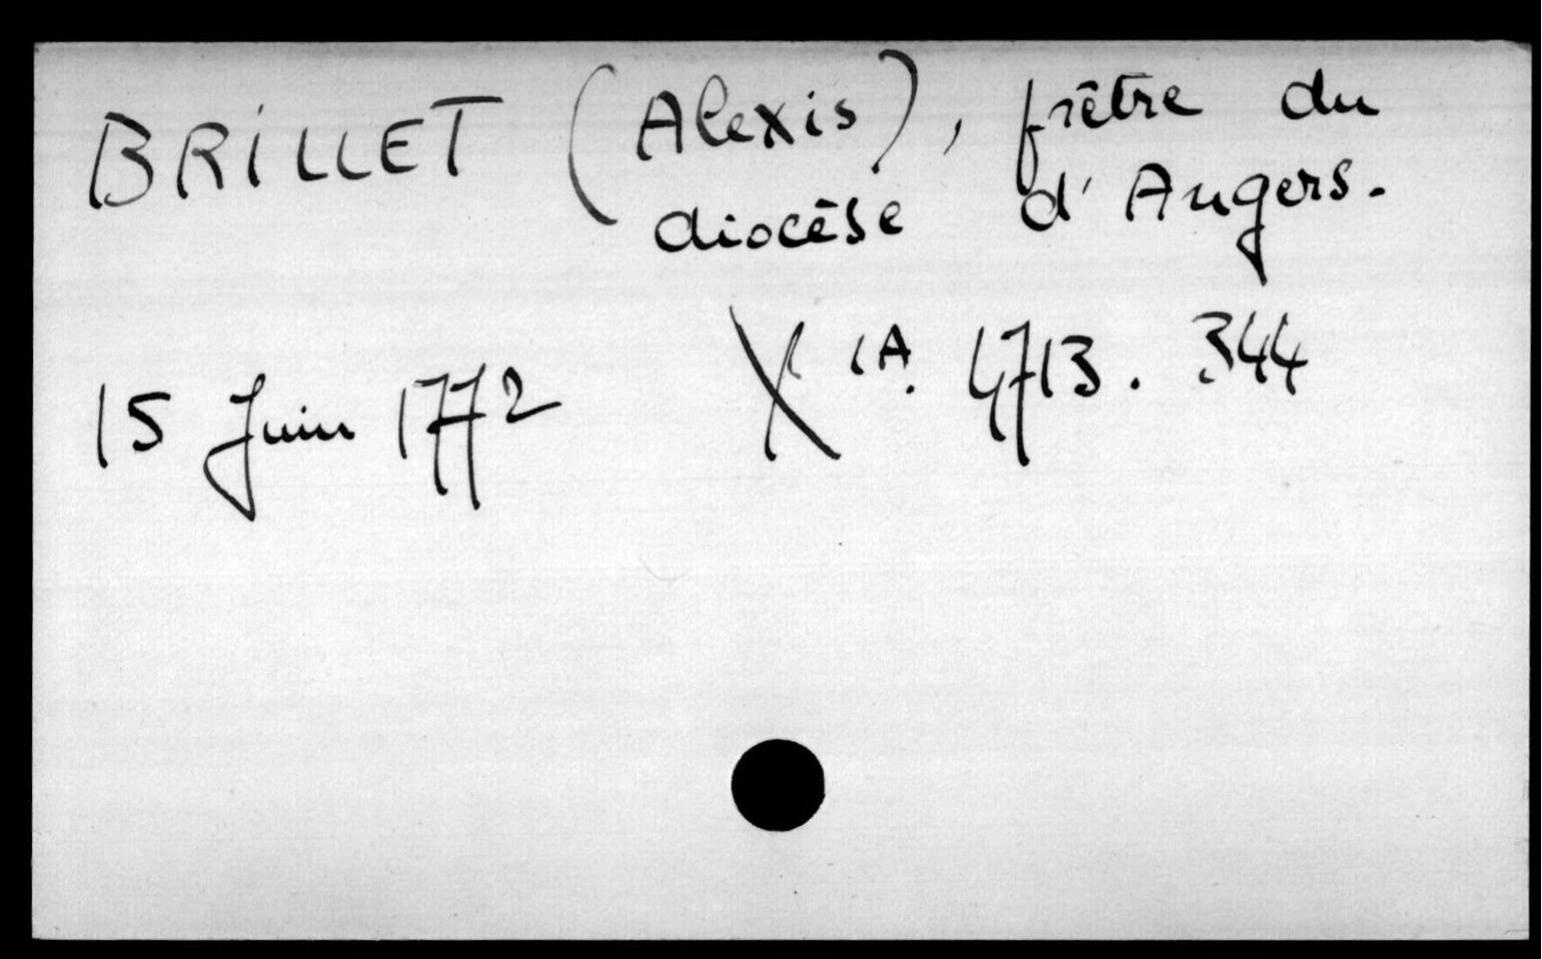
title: BRILLET (Alexis), prêtre du diocèse d'Angers
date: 15 juin 1772
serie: X1A
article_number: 4713
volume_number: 344
